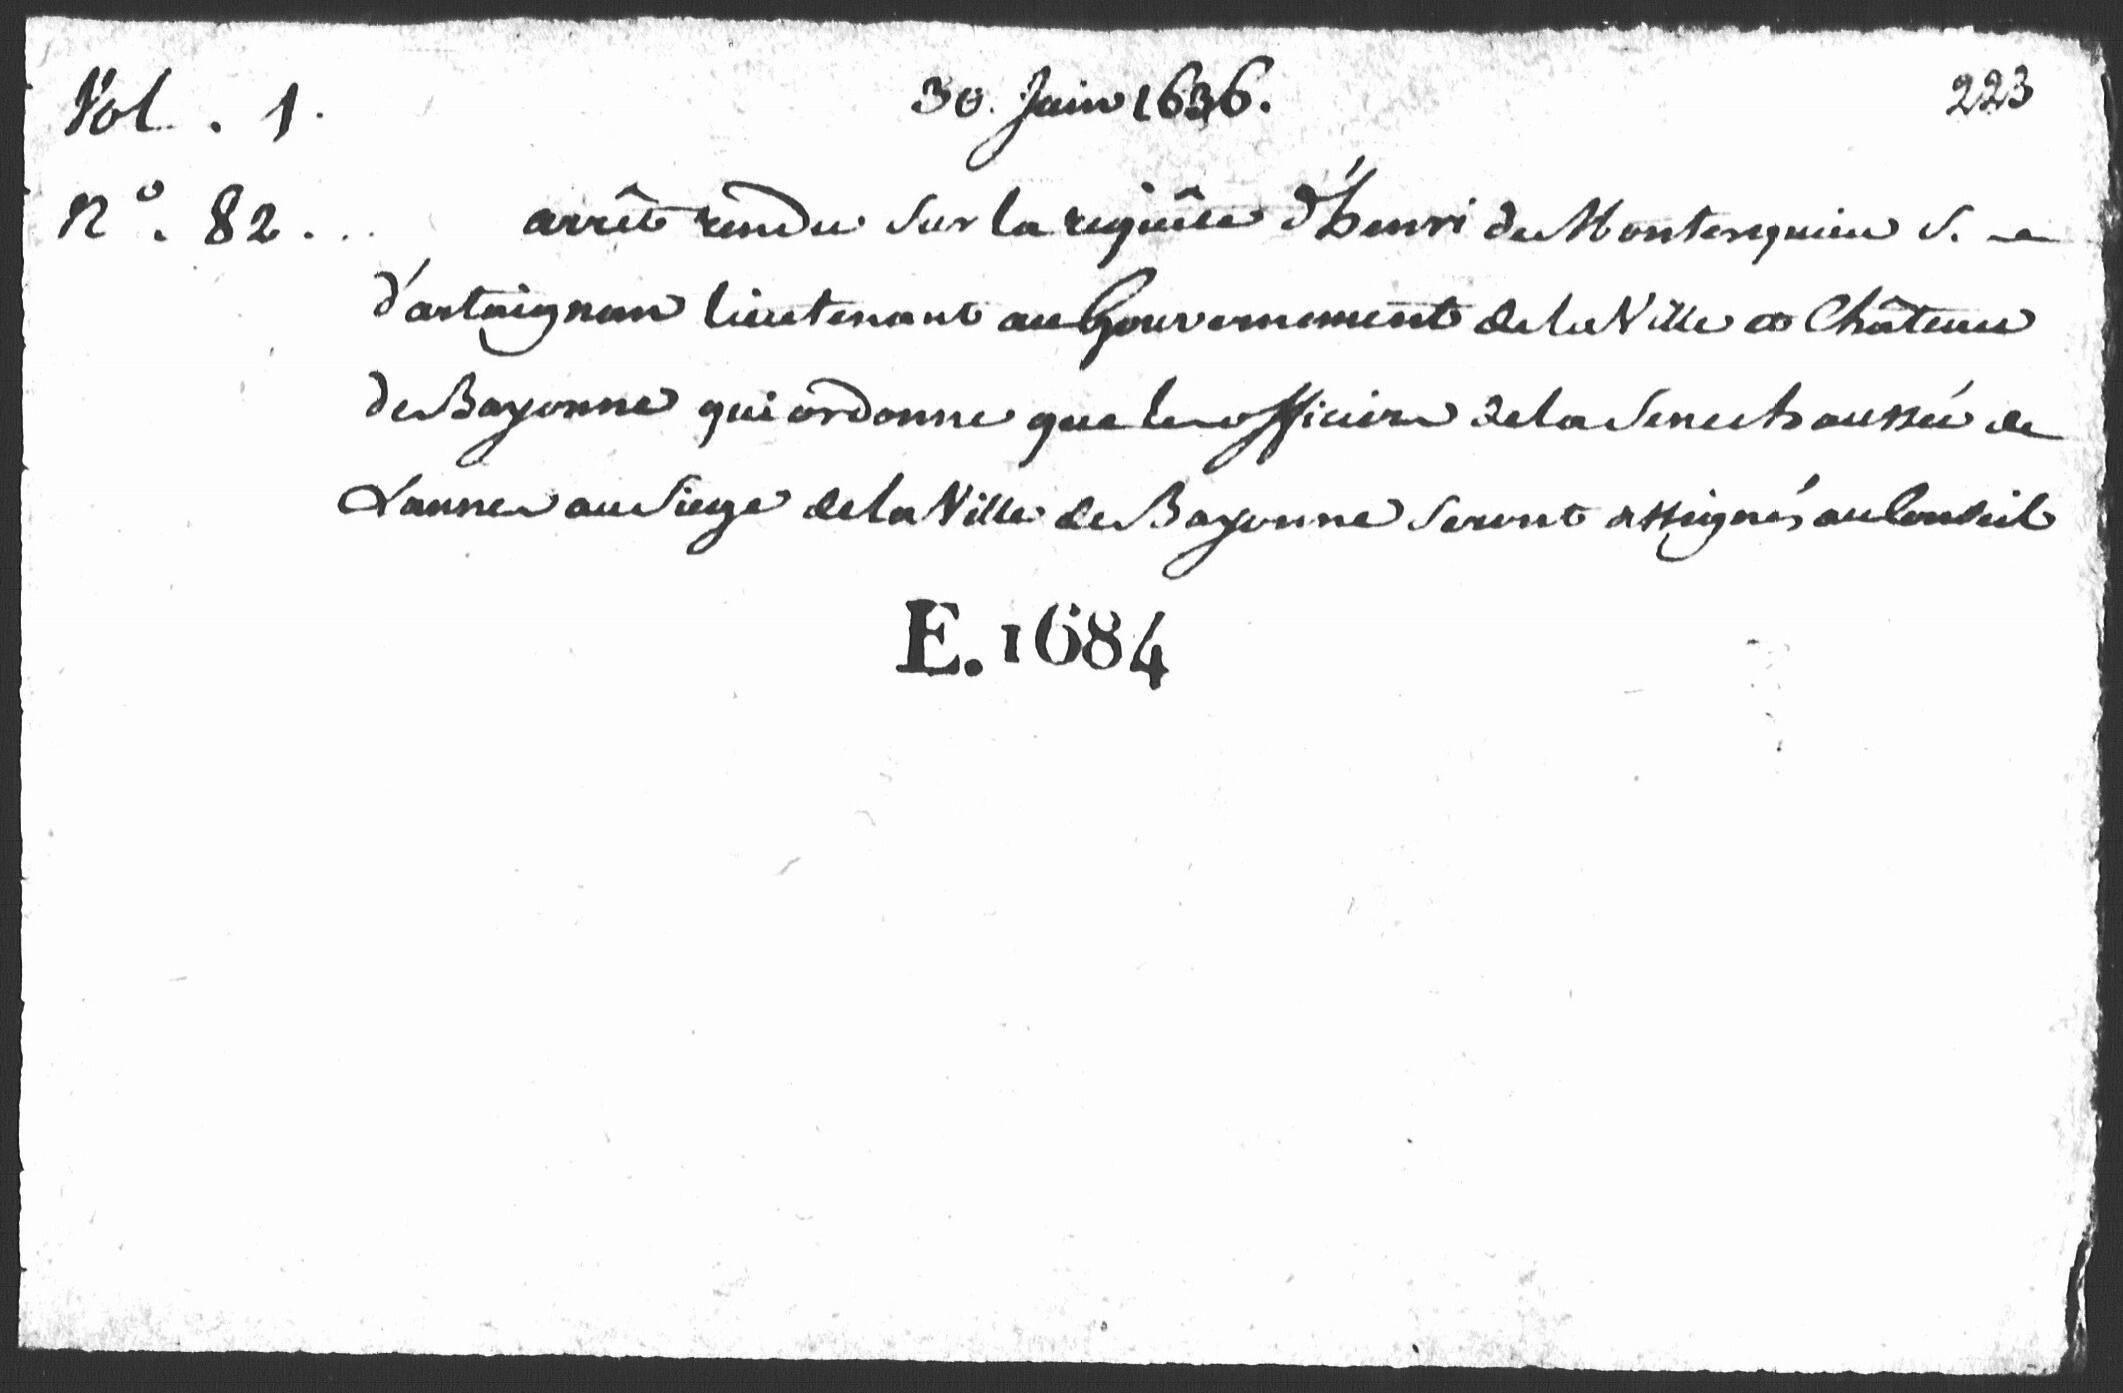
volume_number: n°82
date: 30 juin 1636
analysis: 223
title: arrêt rendu sur la requête d'Henri de Montesquieu S. d'artaignan lieutenant au Gouvernement de la Ville et Château de Bayonne qui ordonne que les officiers de la senechaussée de Lannes au siege de la Ville de Bayonne seront assignés au Conseil
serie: E
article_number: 1684
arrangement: vol. 1
